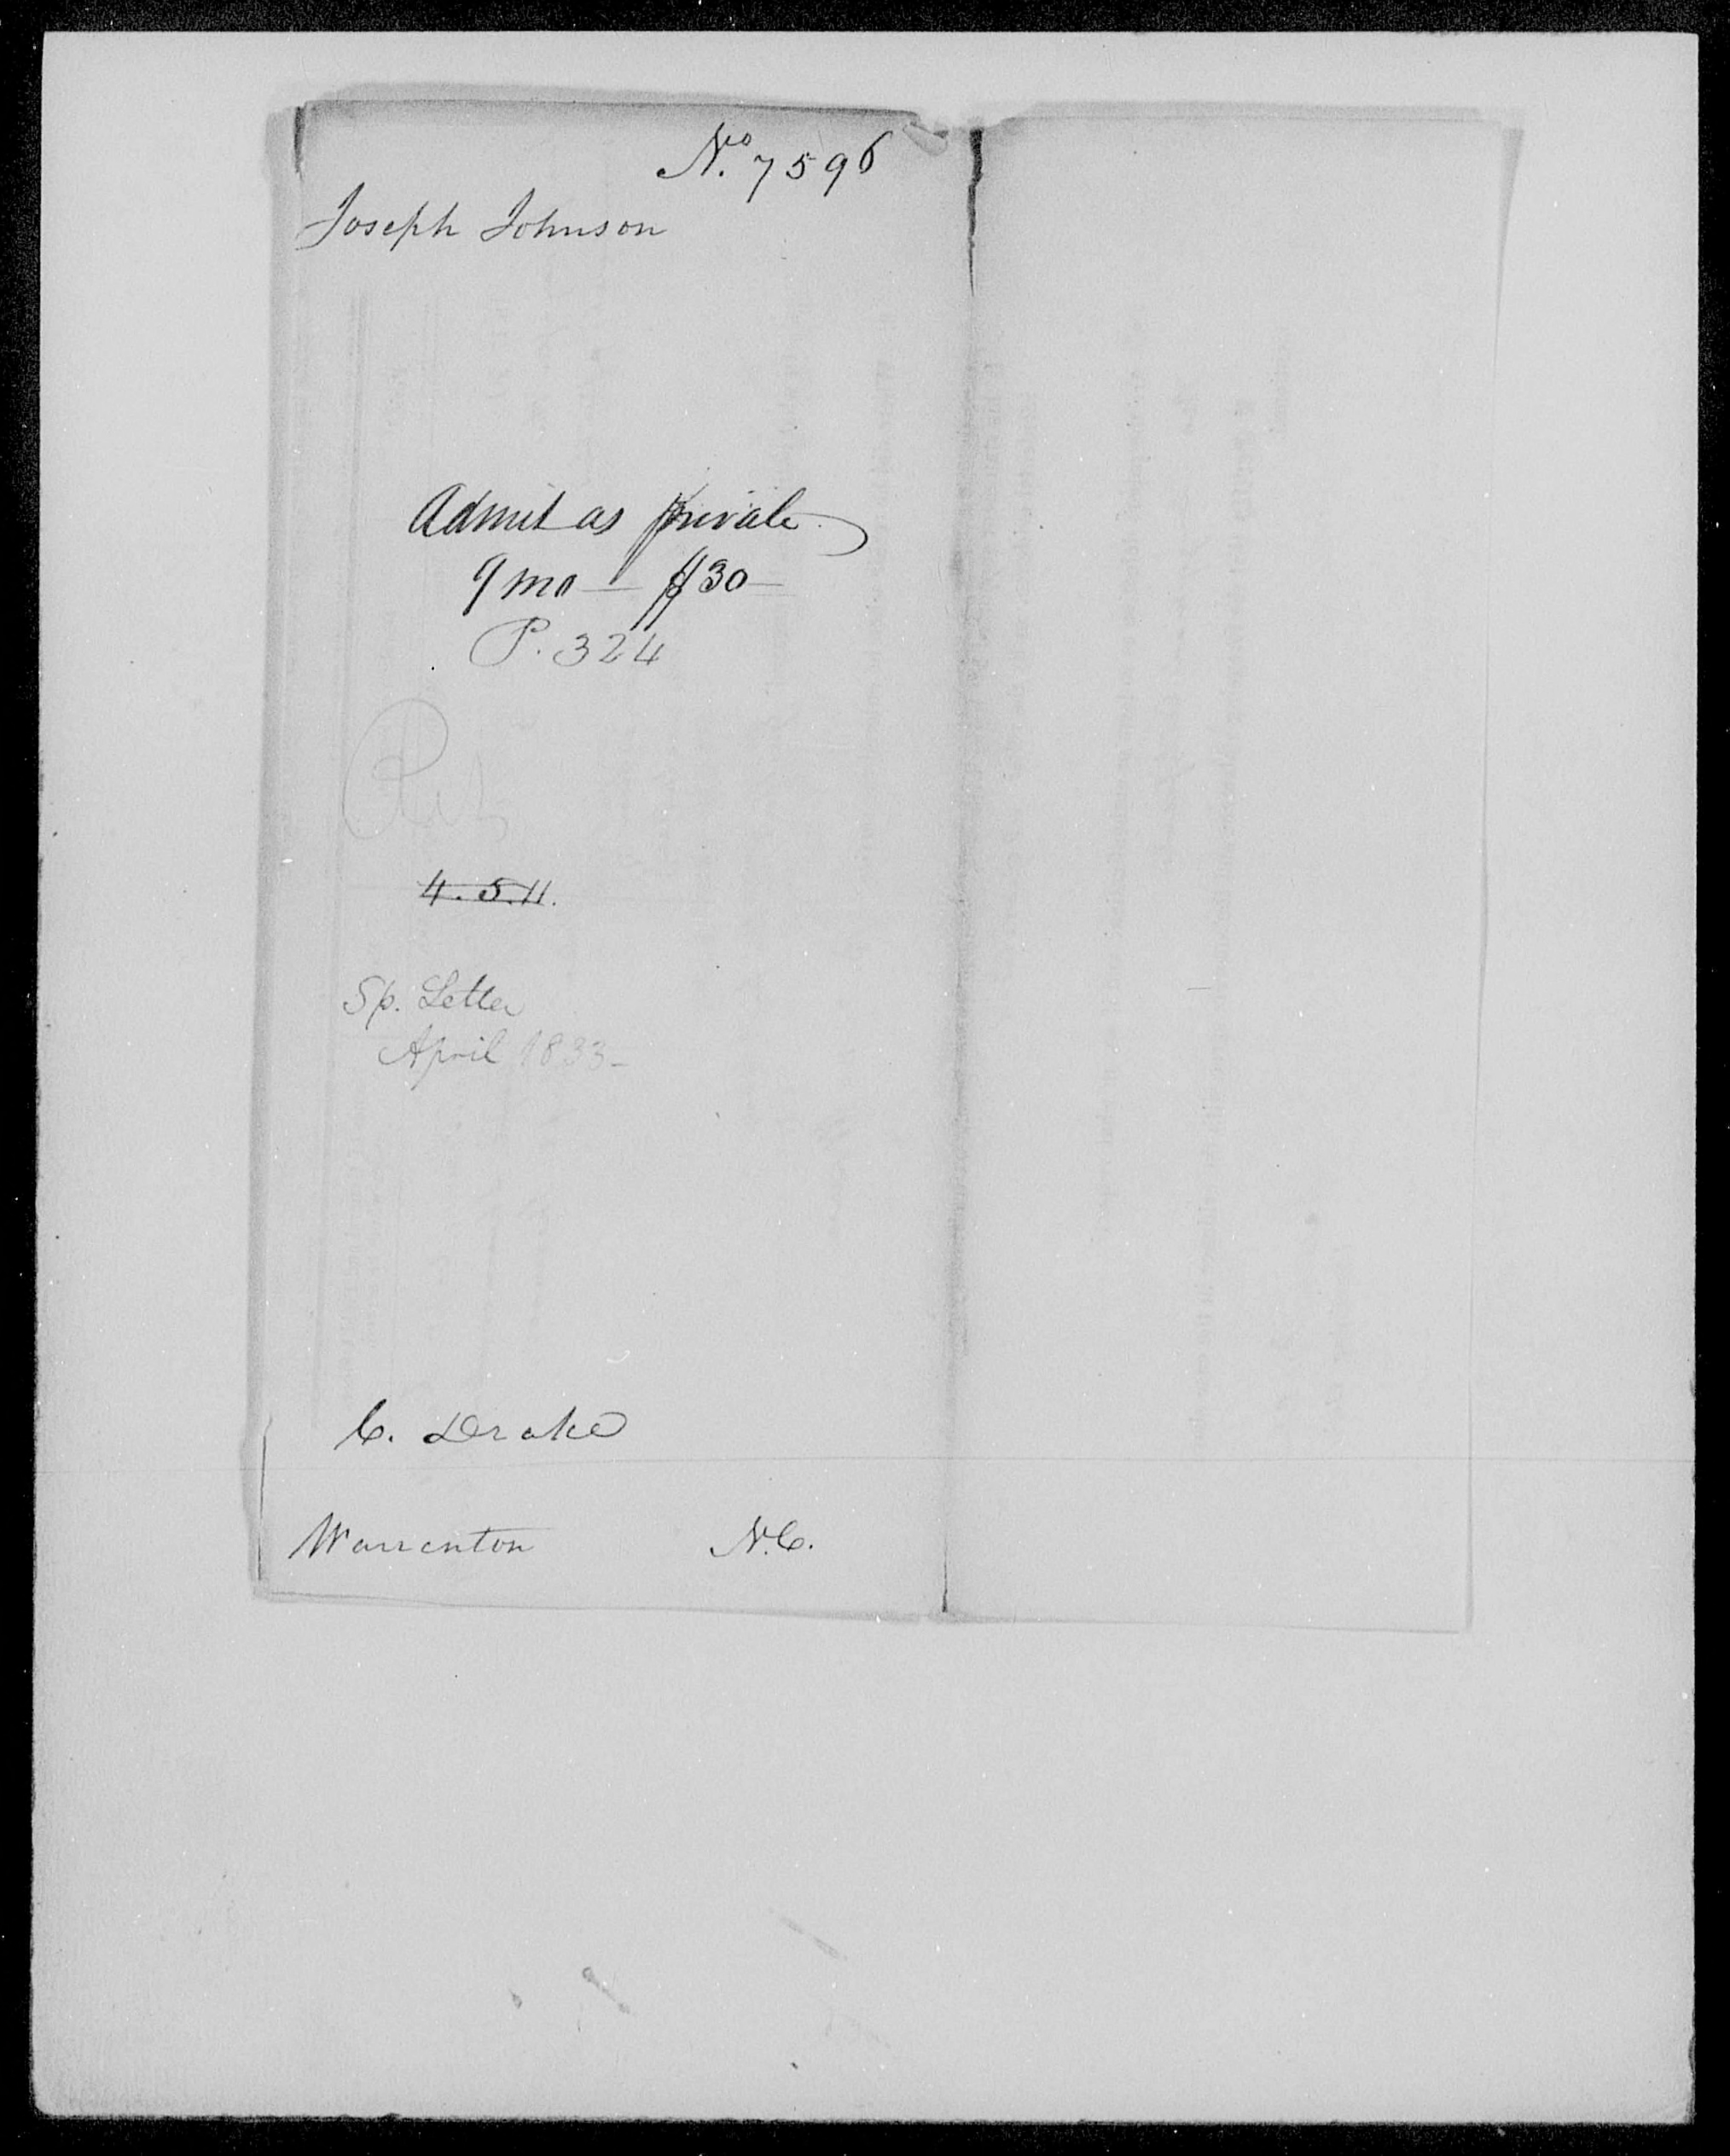N. 7596
Joseph Johnson

Admit as (?)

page: 3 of 9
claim: survivor's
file: S. 7085, for Joseph Johnson, North Carolina